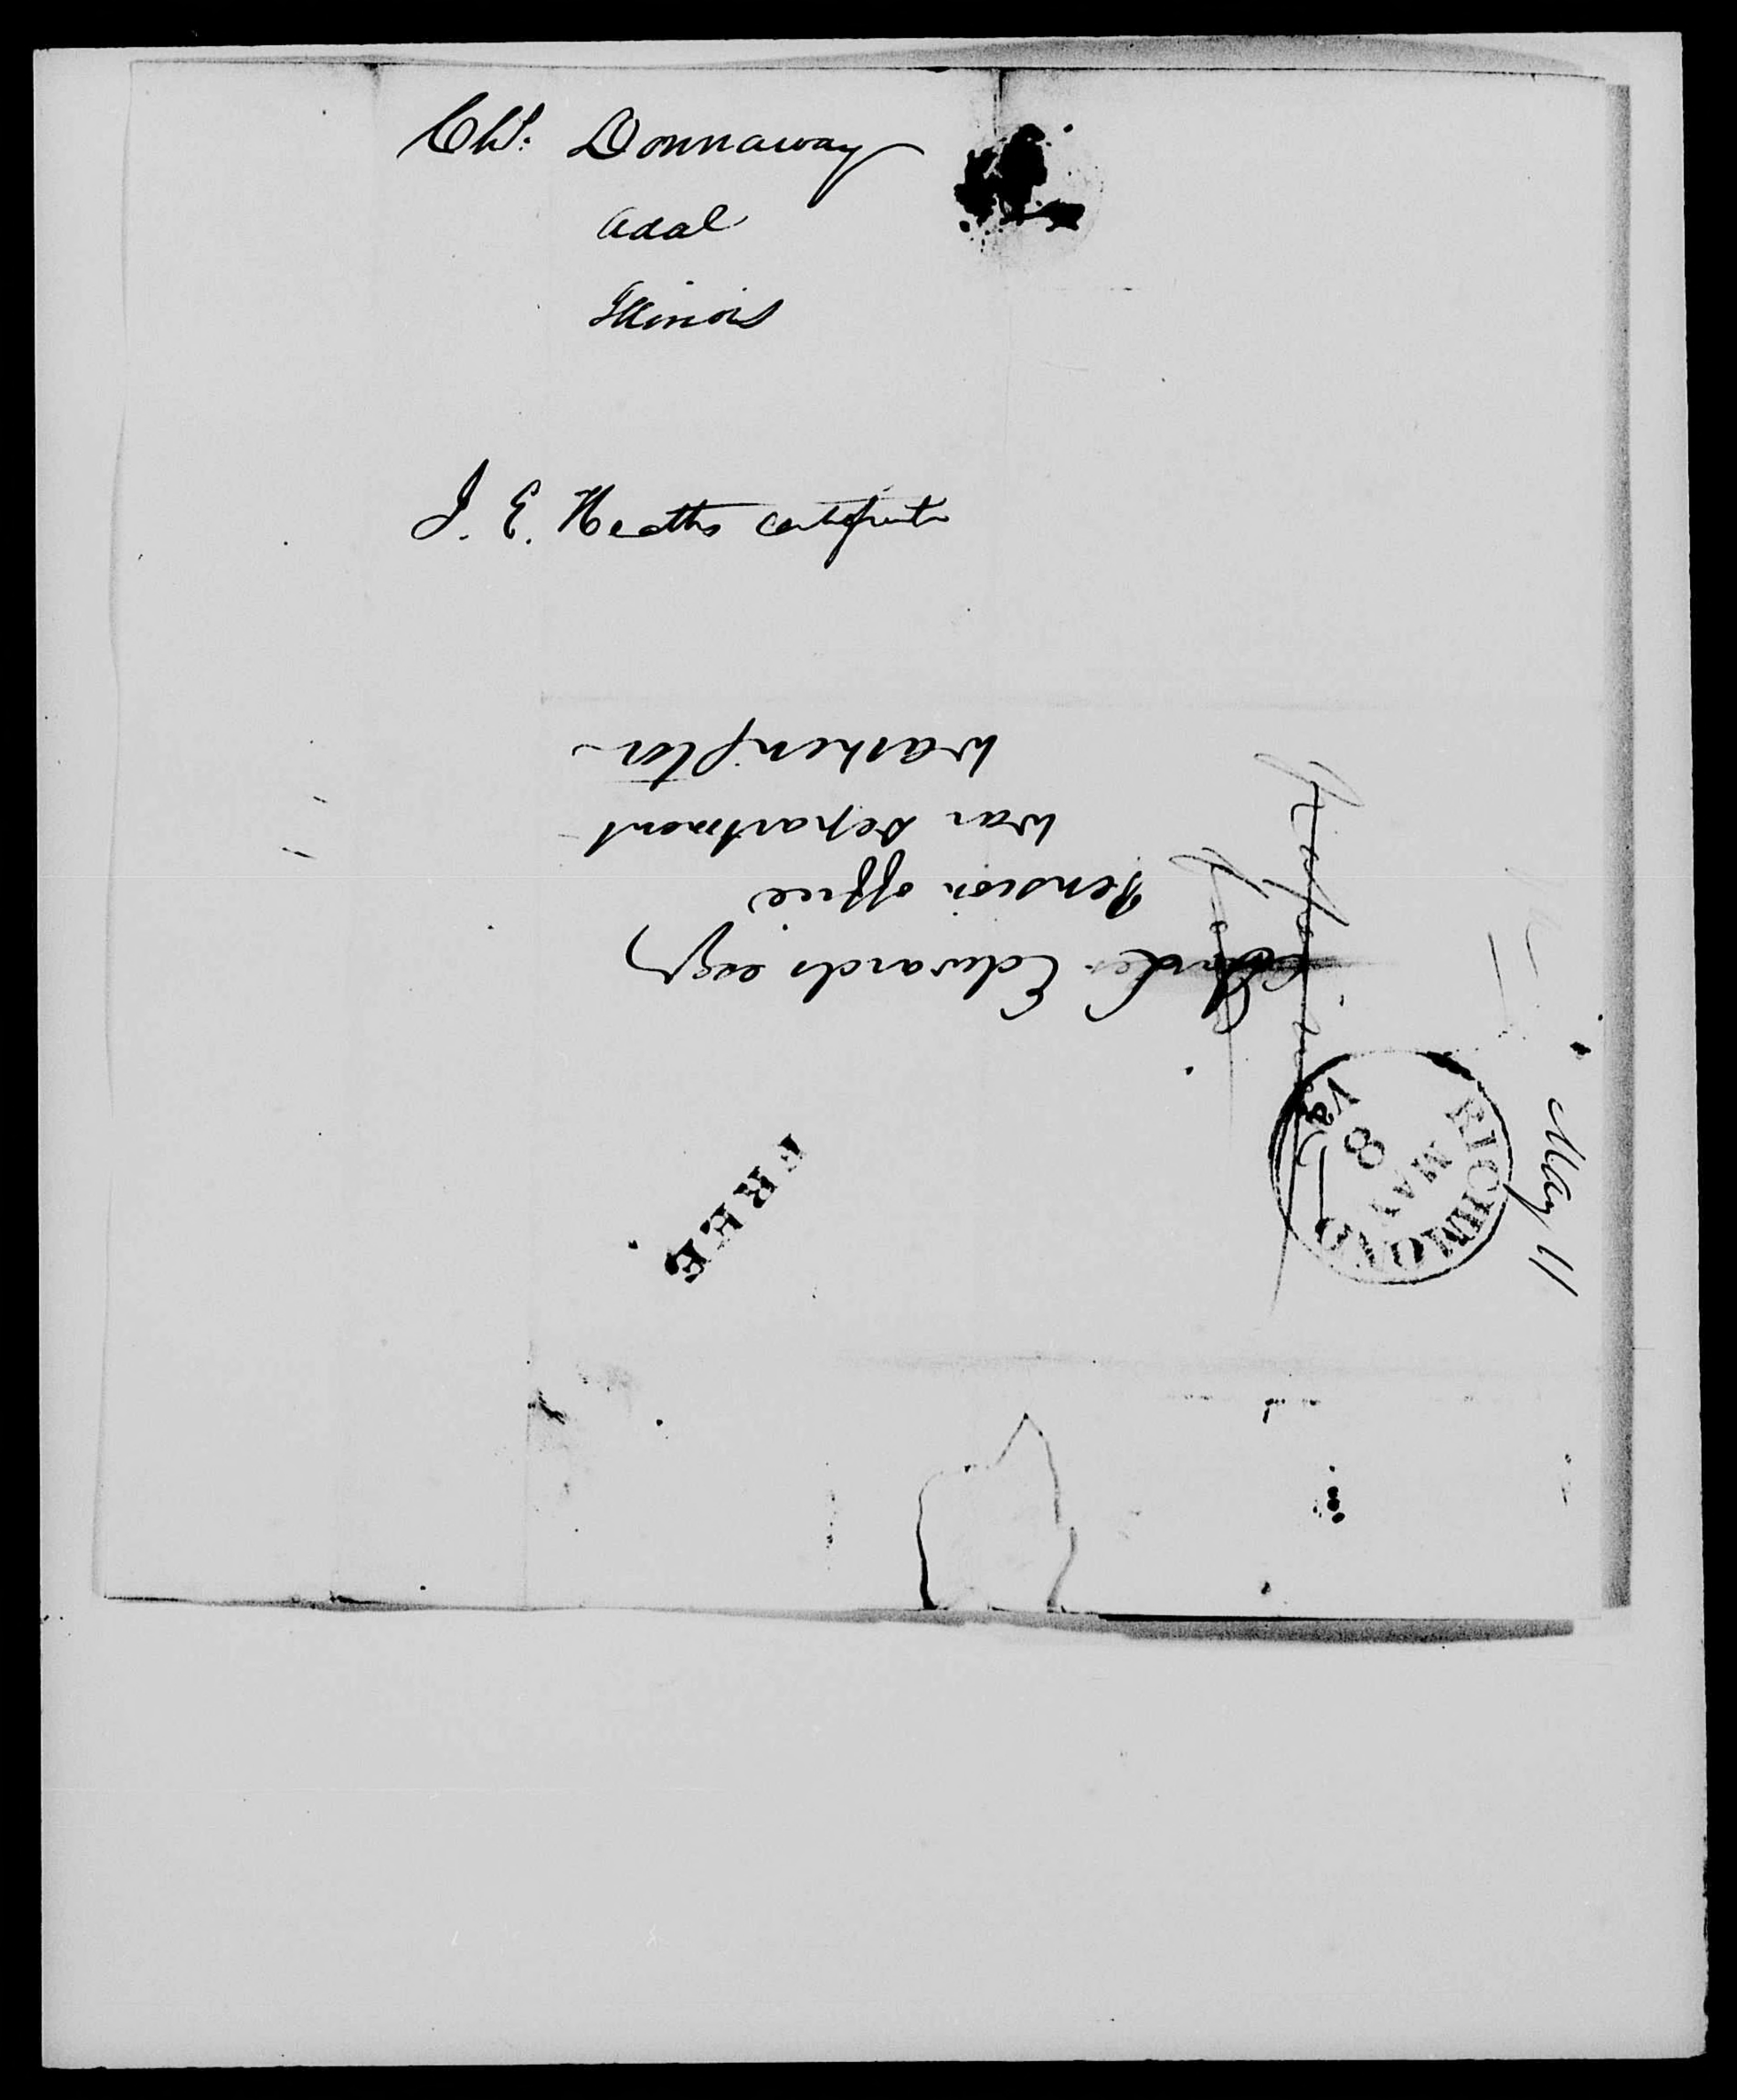Chs: Donnaway
Addl
Illinois
J. E. Heath's certificate

May 11
FREE
Jas L. Edwards esq
Pension office
War department
Washington

RICHMOND Va.
MAY 8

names: J E Heath, J L Edwards, Chs Donnaway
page: 14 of 29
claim: rejected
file: R. 3010, Charles Donaway, Va.